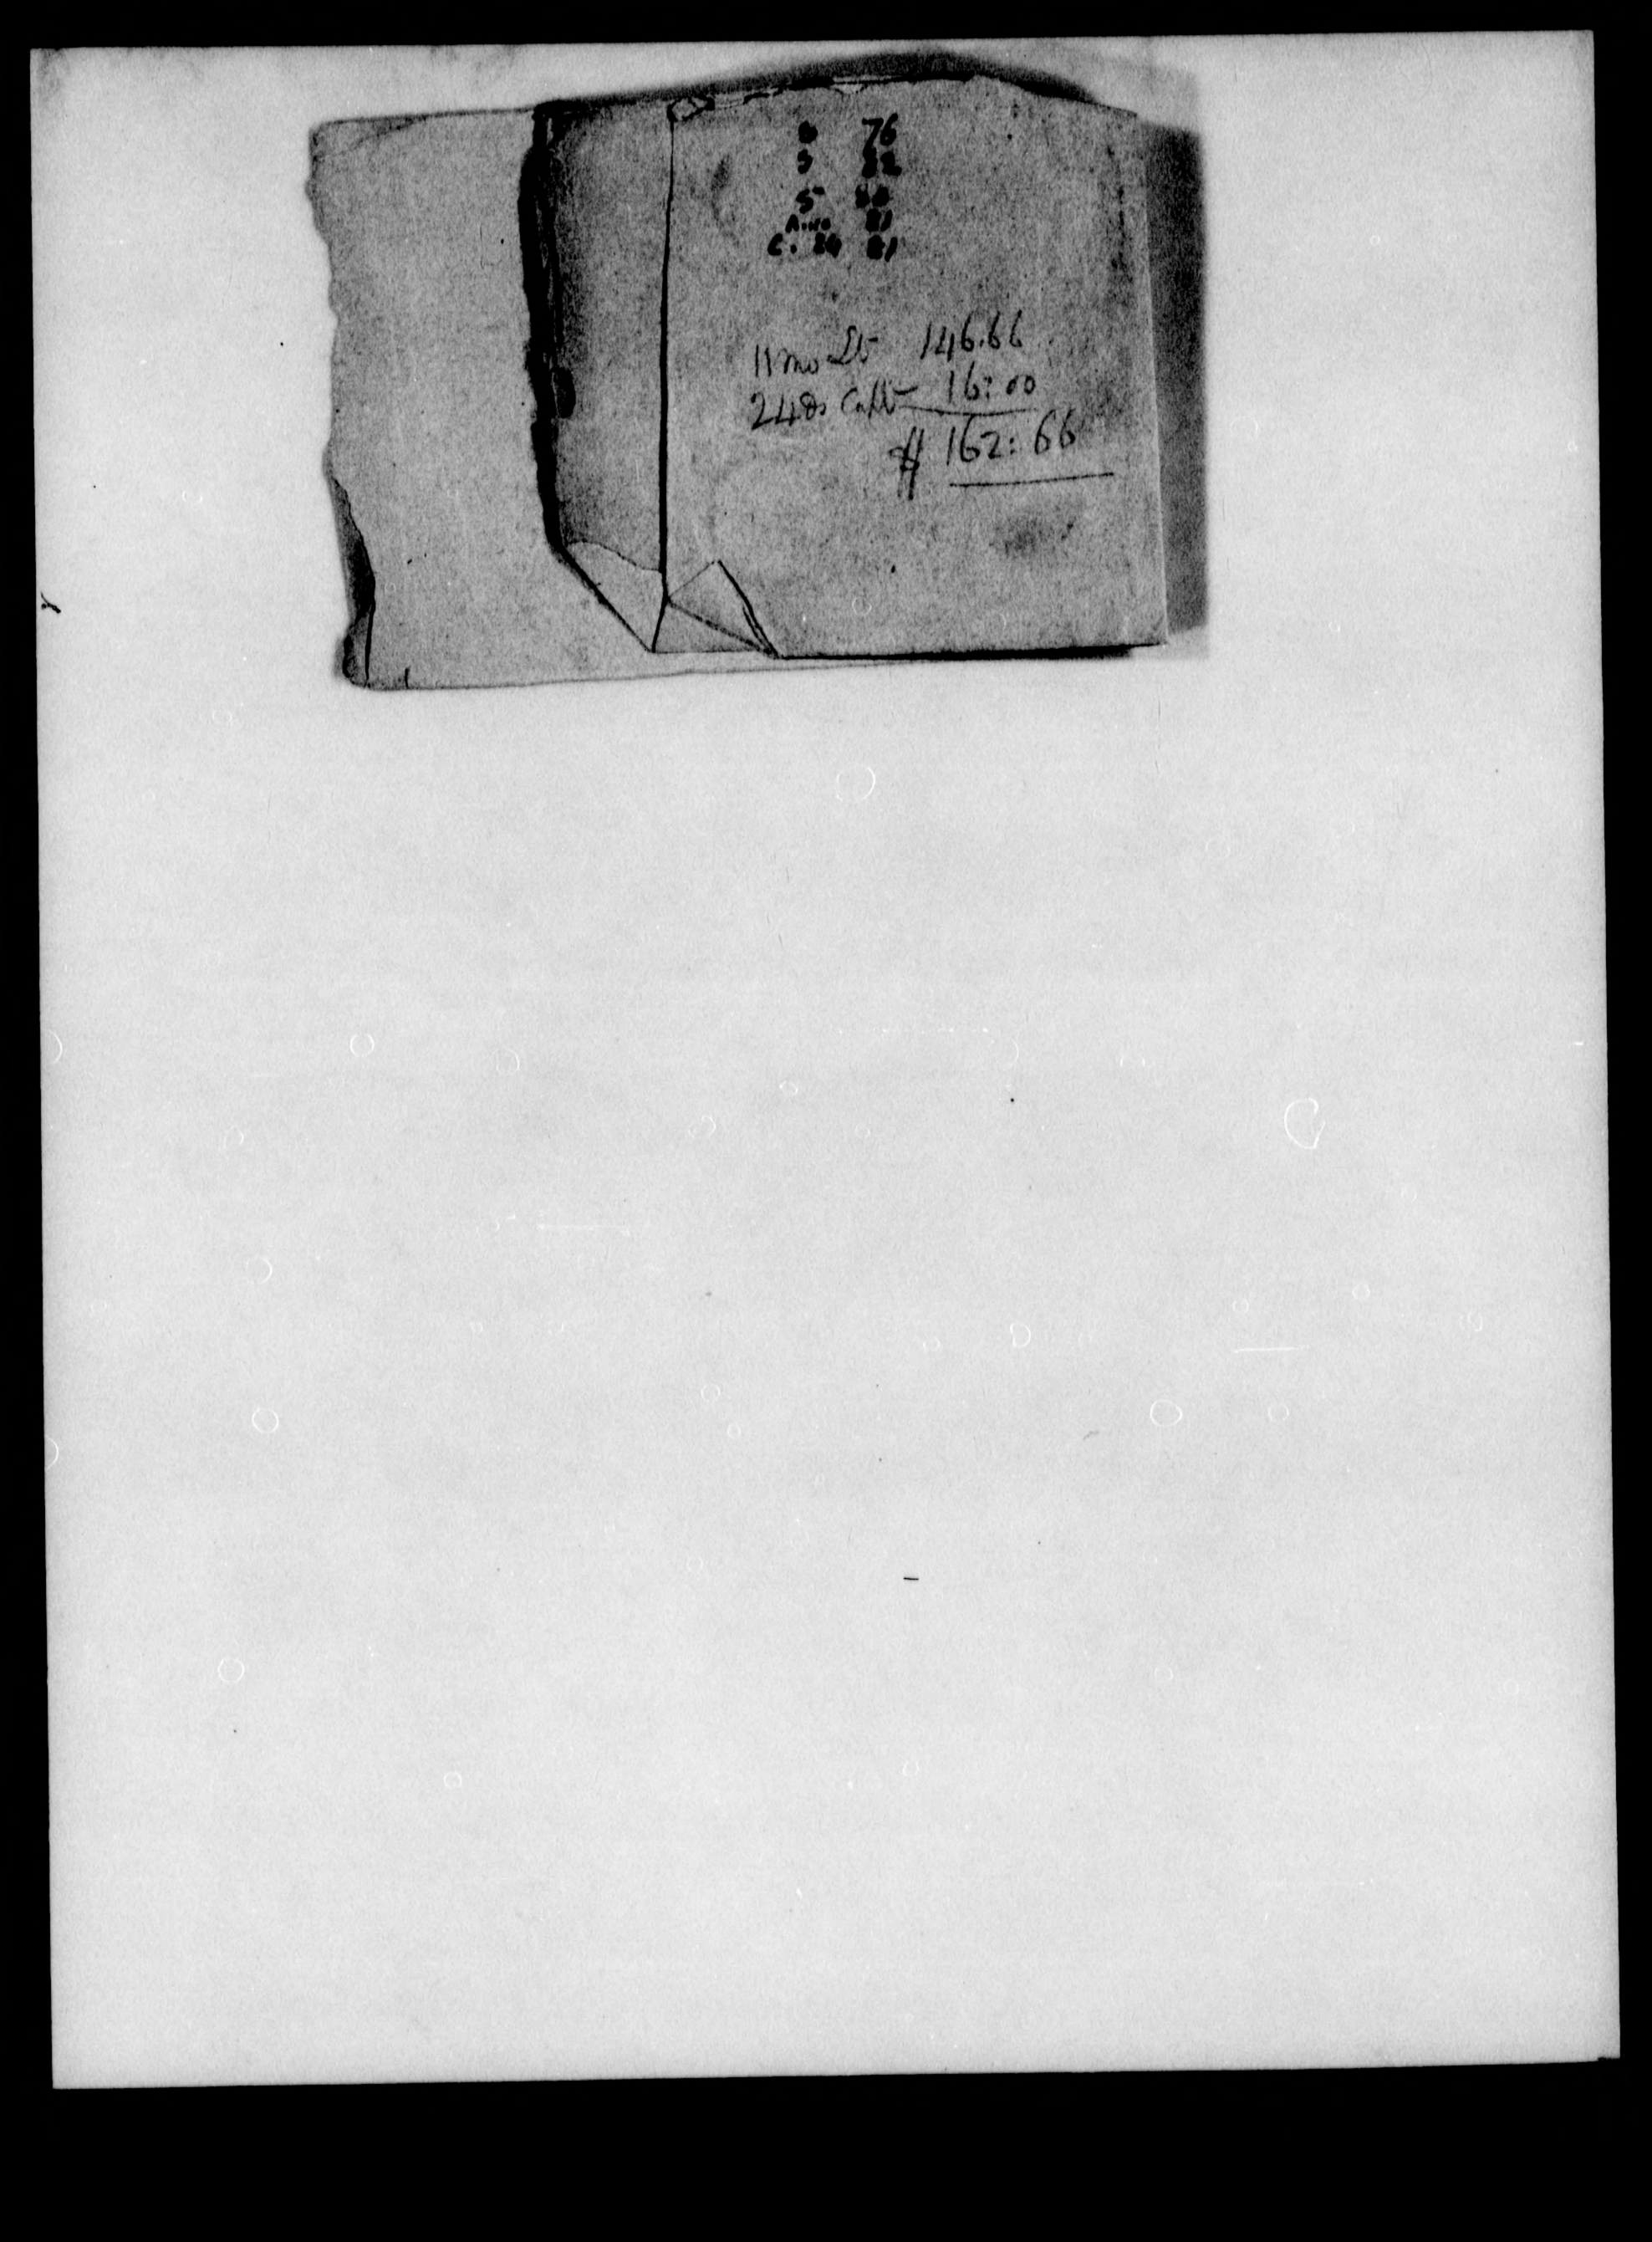3 76
3 82
5 82
Ains 81
C. 86 81

11 mo Lt 146.66
24 ds Capt 16.00
$162.66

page: 36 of 105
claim: survivor's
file: S. 1883, Richard Vernon, N.C.